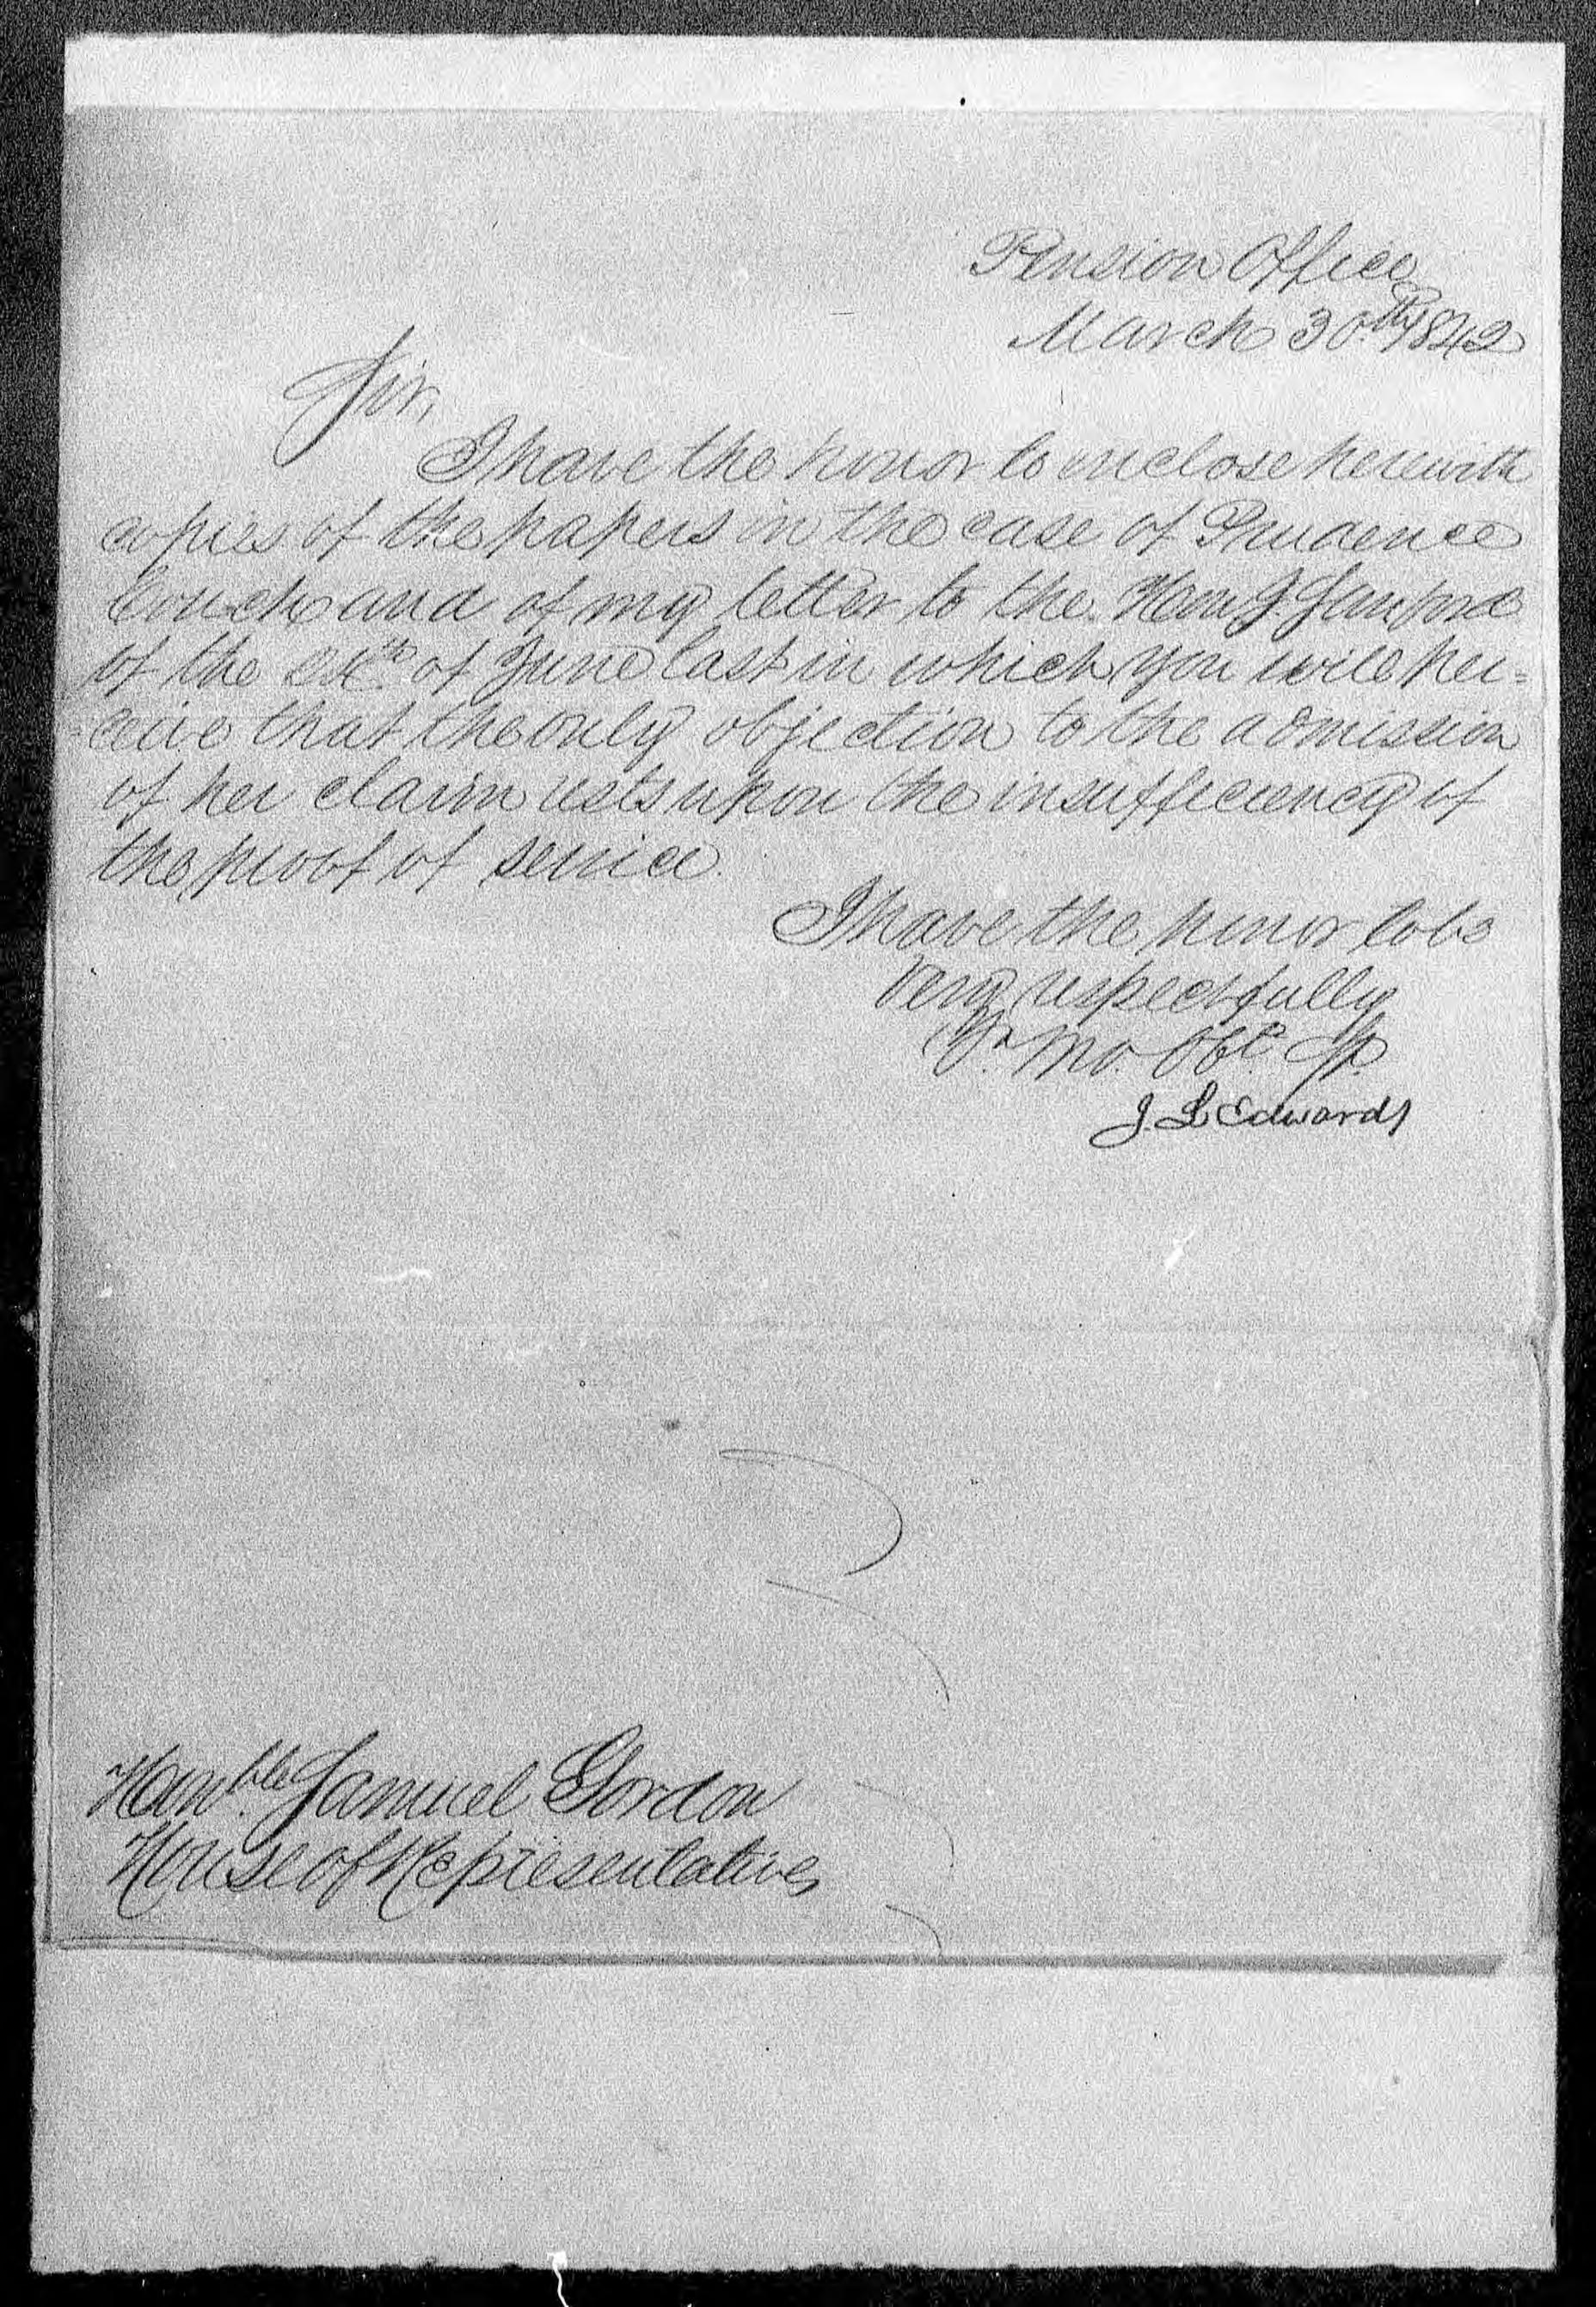Pension Office
March 30th 1842
Sir,
I have the honor to enclose herewith copies of the papers in the case of Prudence Couch and of my letter to the Hon. J. Sanford of the 24th of June last in which you will perceive that the only objection to the admission of her claim rests upon the insufficiency of the proof of service.

I have the honor to me very respectfully yr mo obt st
J L Edwards


Honble Samuel Gordon
House of Representatives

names: J Sanford, Prudence Couch, Samuel Gordon, J L Edwards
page: 49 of 68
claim: rejected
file: R. 2,360, John Couch, Conn.